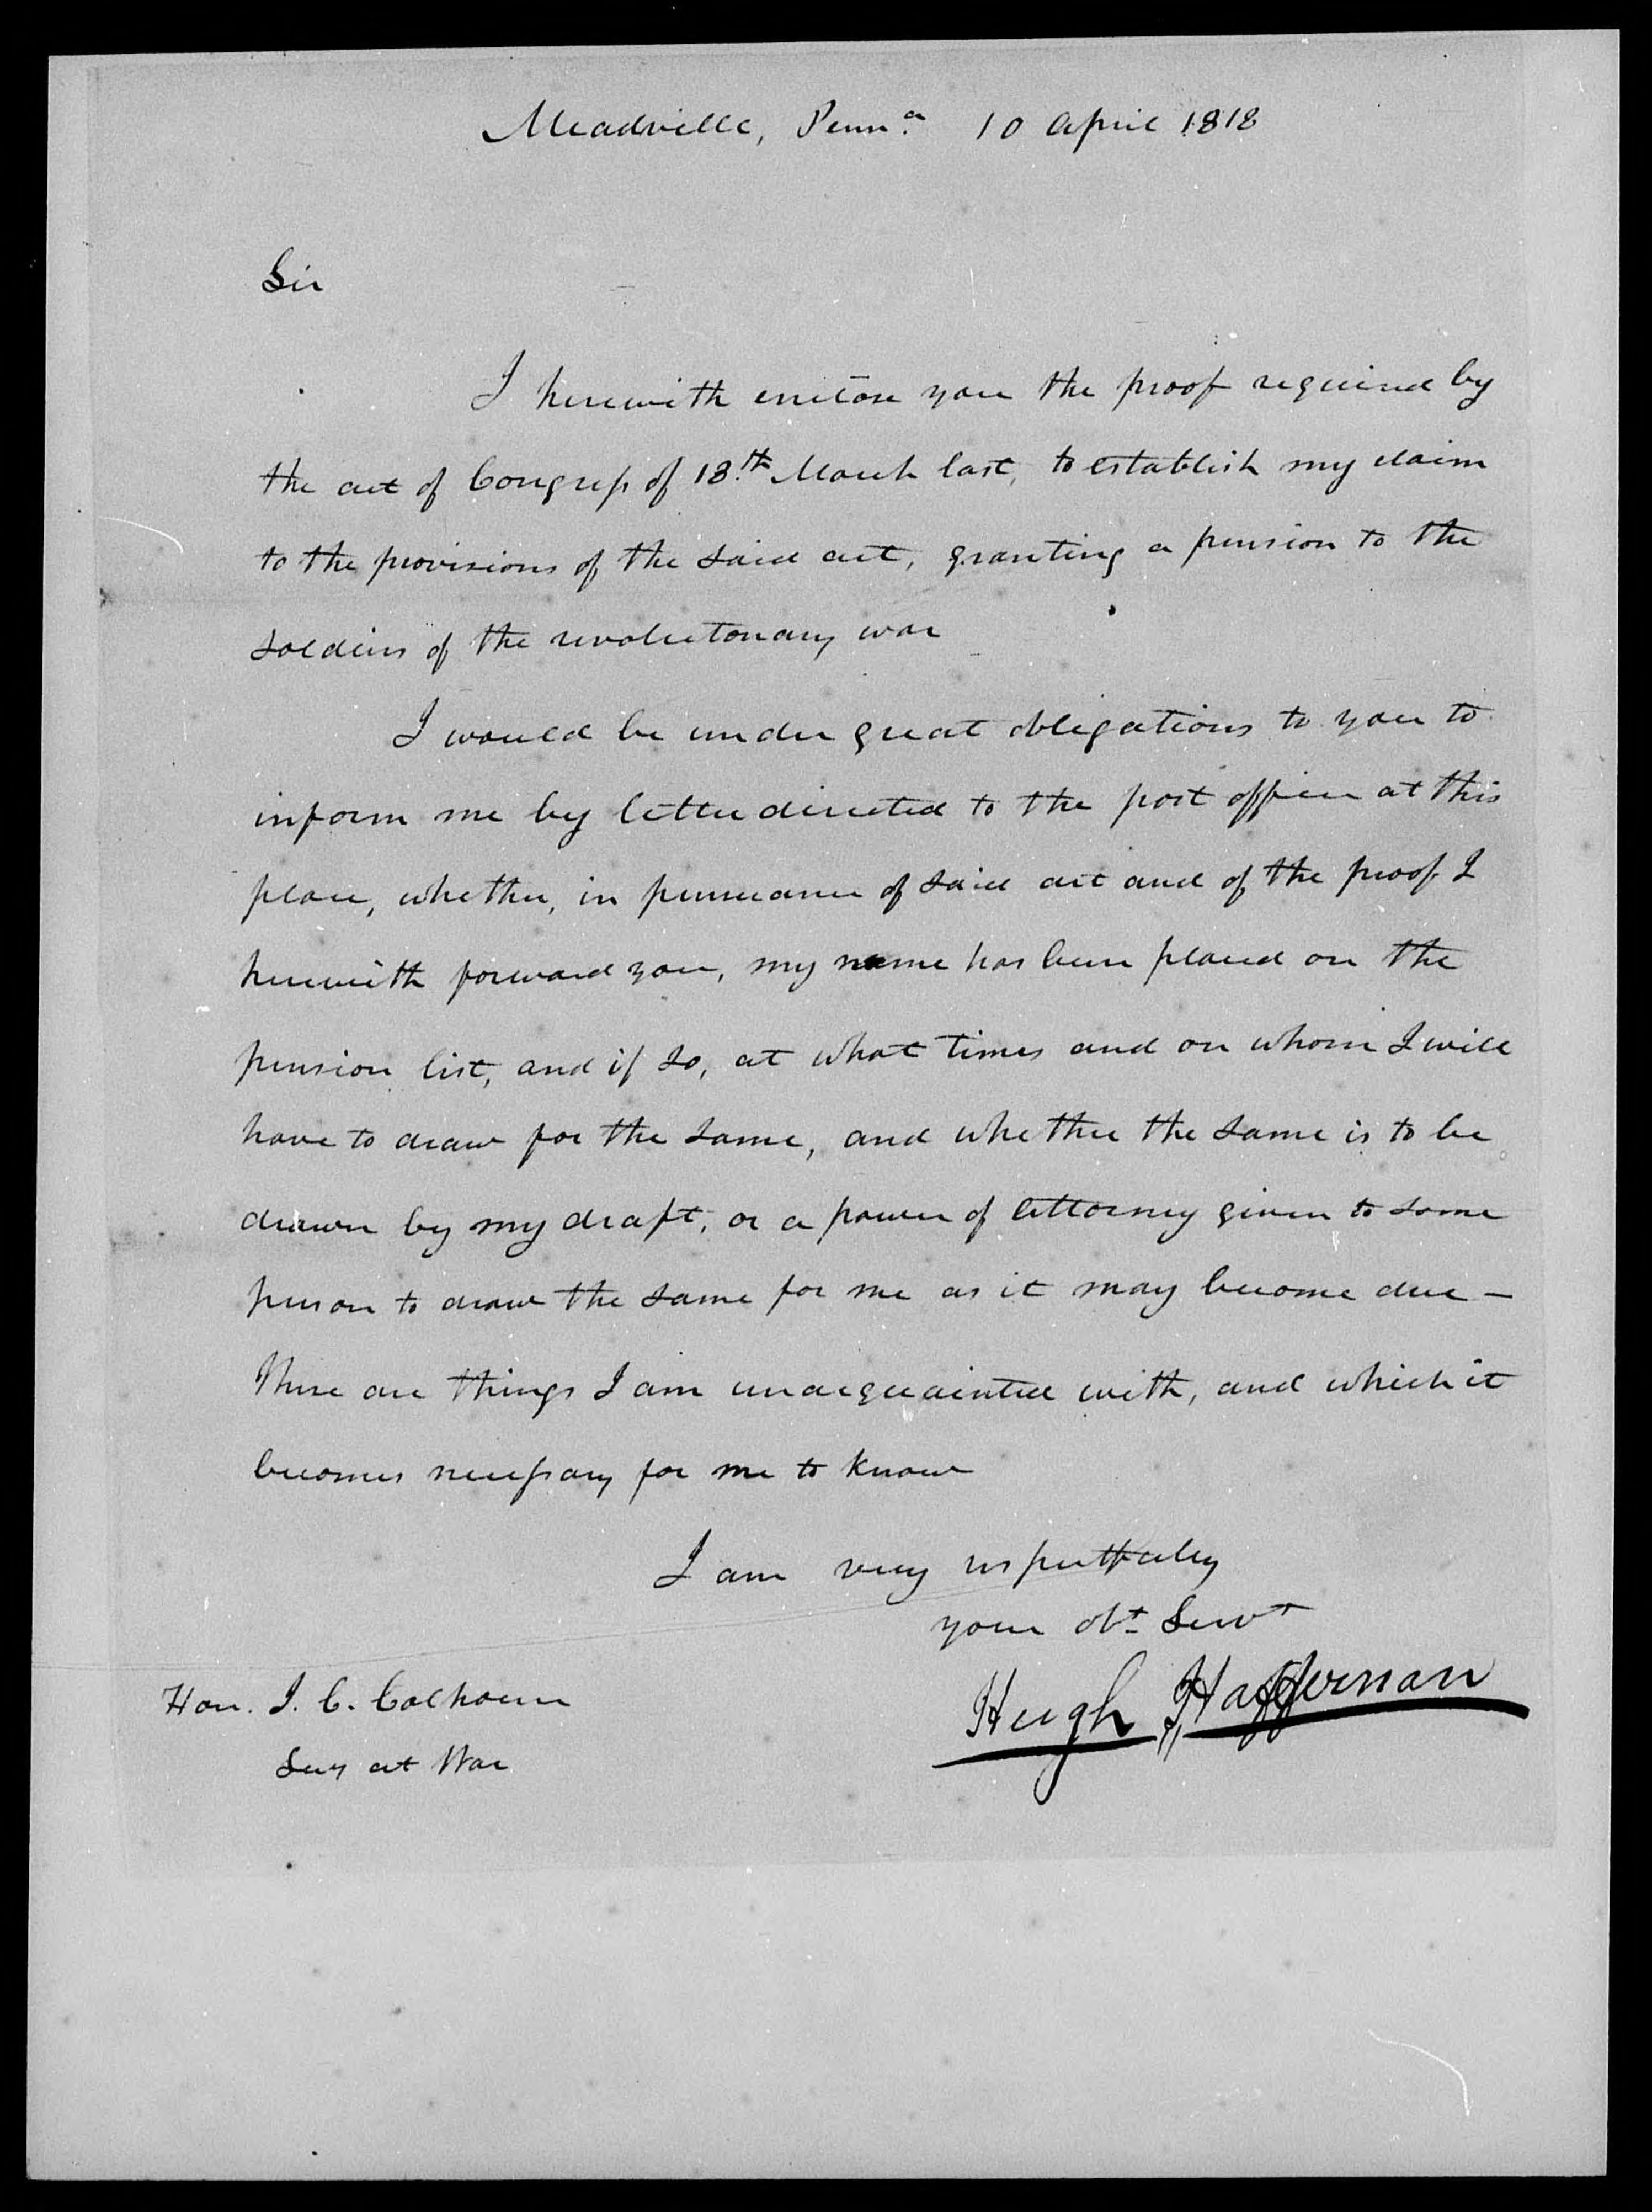Meadville, Penna 10 April 1818
Sir:
I herewith enclose you the proof required by
the act of Congress of 18th March last, to establish my claim to the provisions of the said act, granting a pension to the Soldiers of the revolutonary war.
I would be under great obligations to you to
inform me by letter directed to the post office at this place, whether, in pursuance of said act and of the proof I herewith forward you, my name has been placed on the pension list, and if so, at what times and on whom I will
have to draw for the same, and whether the same is to be drawn by my draft, or a power of attorney given to some person to draw the same for me as it may become due. there
are things I am unacquainted with, and which it
becomes necessary for me to know
I am very unputfully
your obt Servt
Hugh Hafferman

J.C. Calhoun
secy. at War
Hugh Hafferman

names: J C Calhoun, Hugh Haffernan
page: 21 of 21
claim: rejected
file: R. 4419, Hugh Haffernan, Penn.